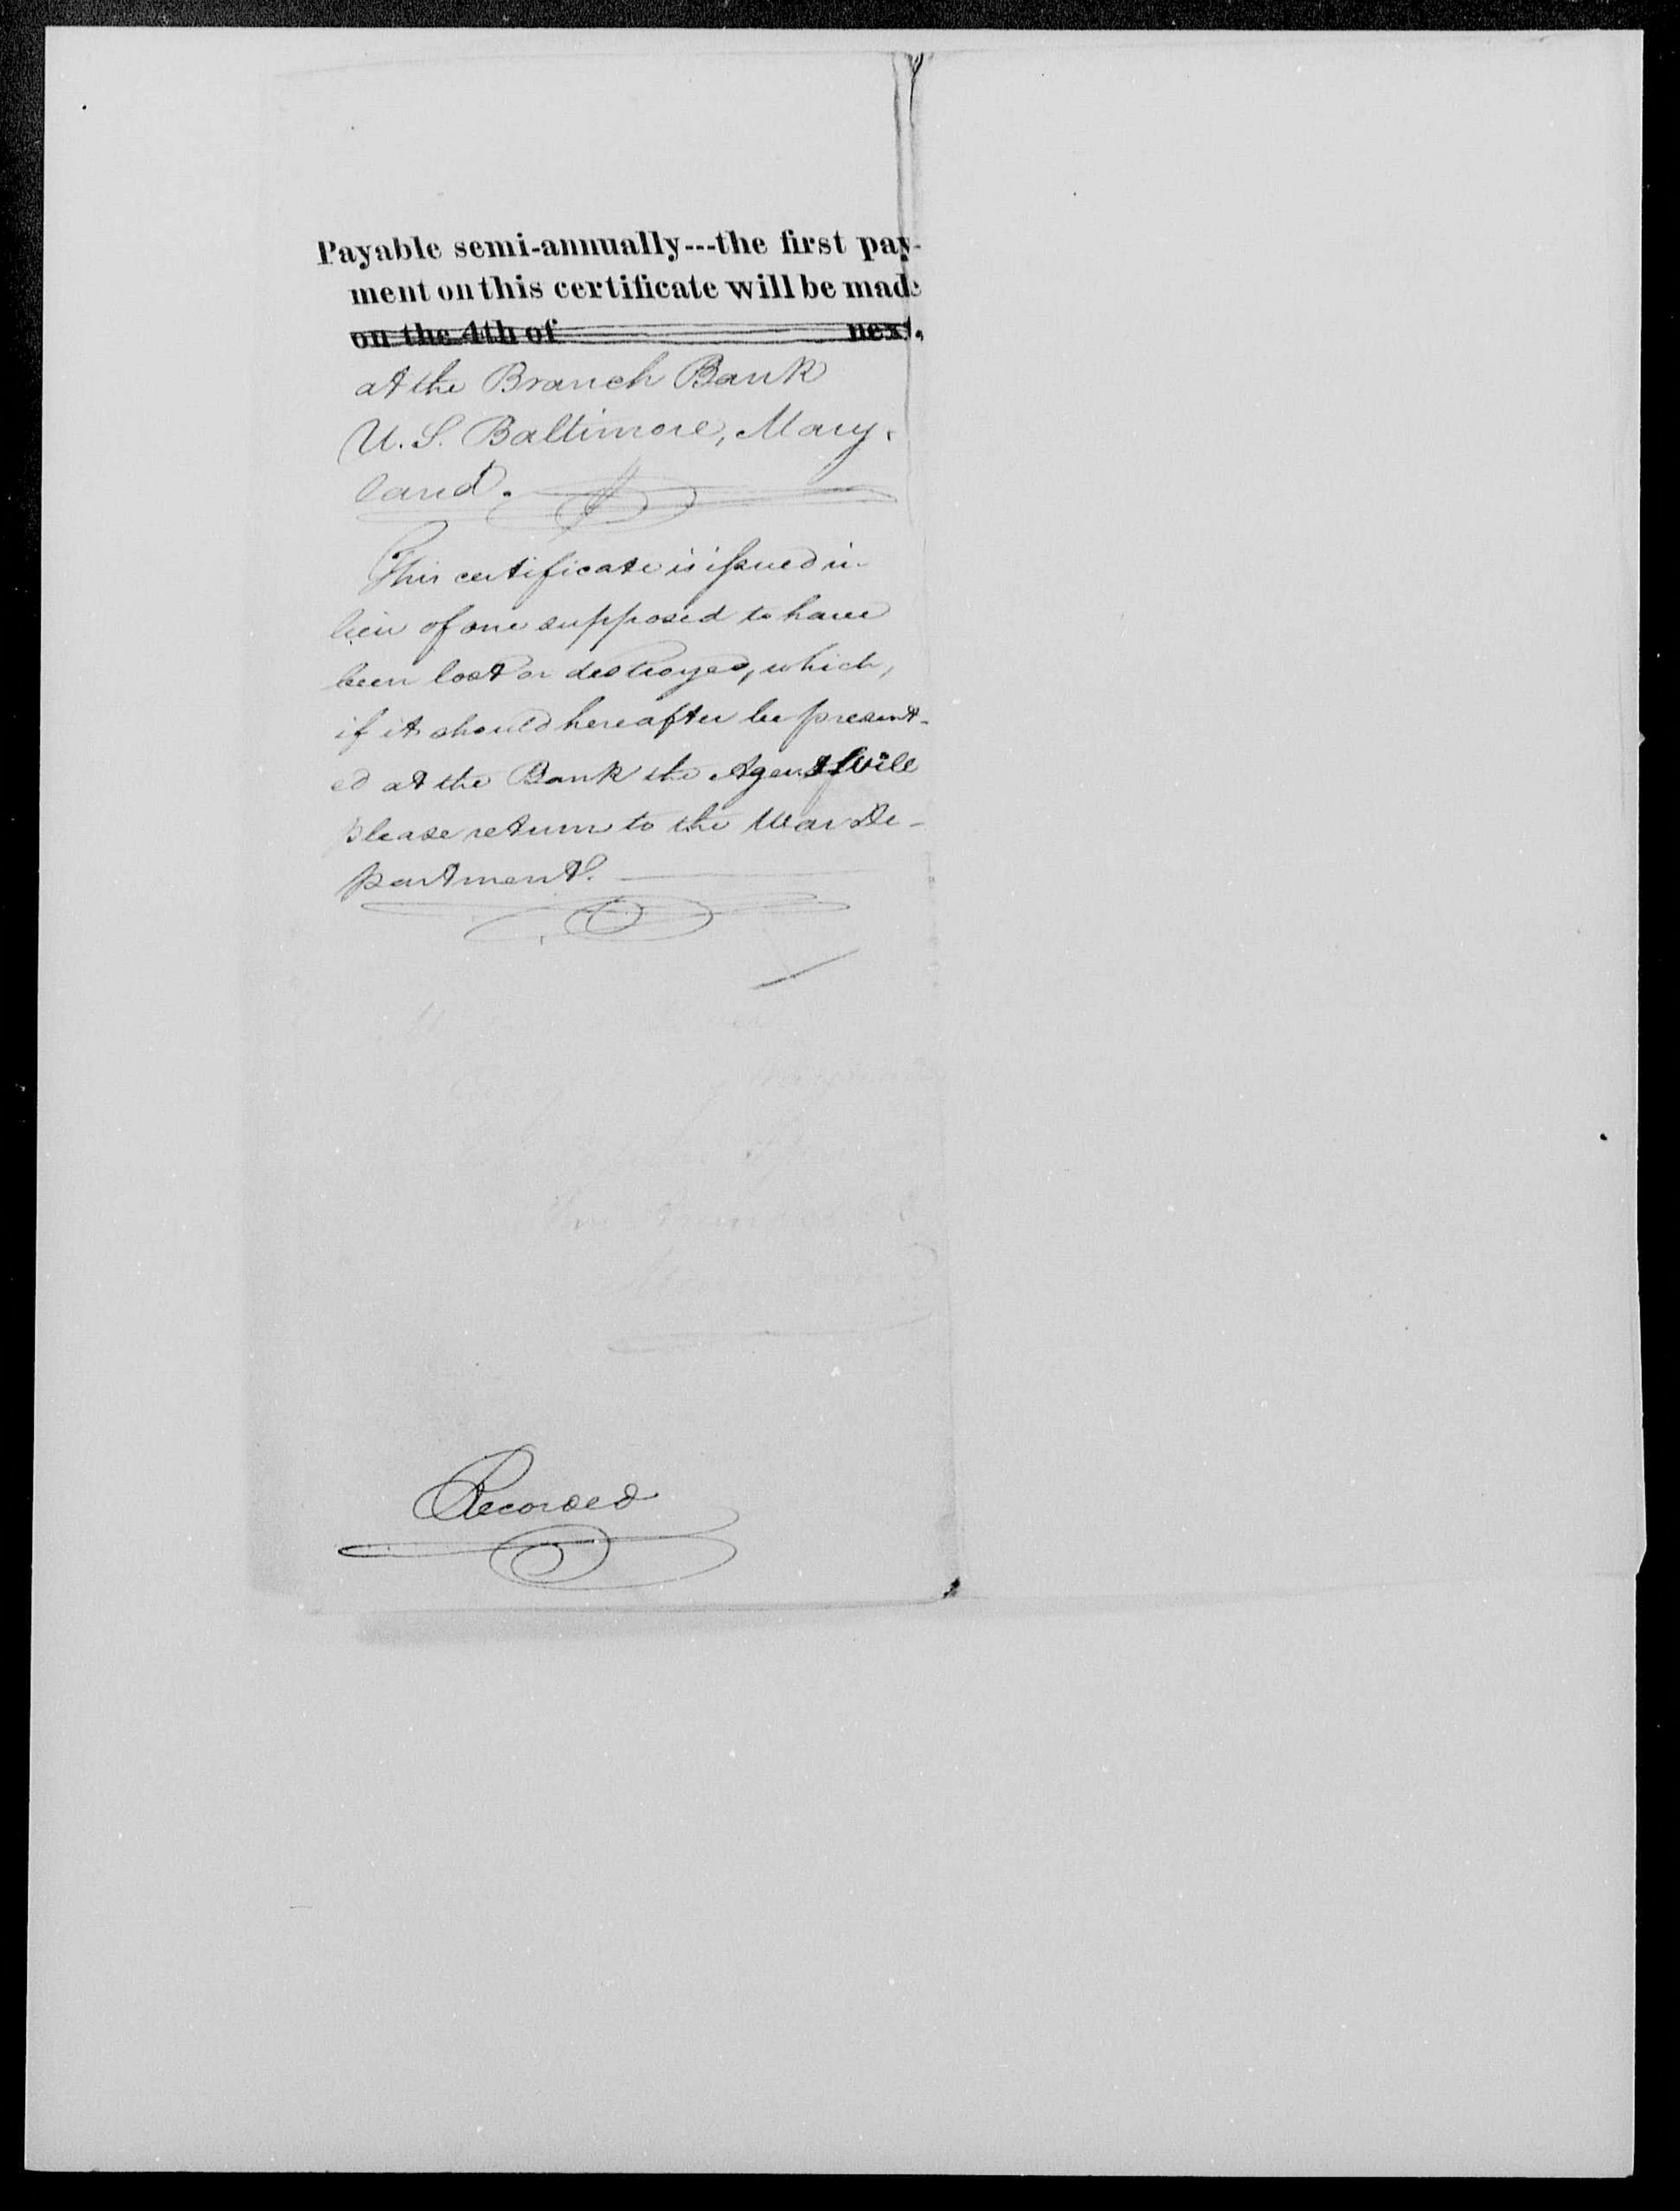Payable semi-annually...the first payment on this certificate will be made at the Branch Bank U.S. Baltimore, Maryland

This certificate is issued in lieu of one supposed to have been lost or destroyed which if it should hereafter be presented at the Bank the Agent will please return to the War Department.

Some writing too light to be transcribed

Recorded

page: 27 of 30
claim: survivor's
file: S. 10093, James Blewer, Md.